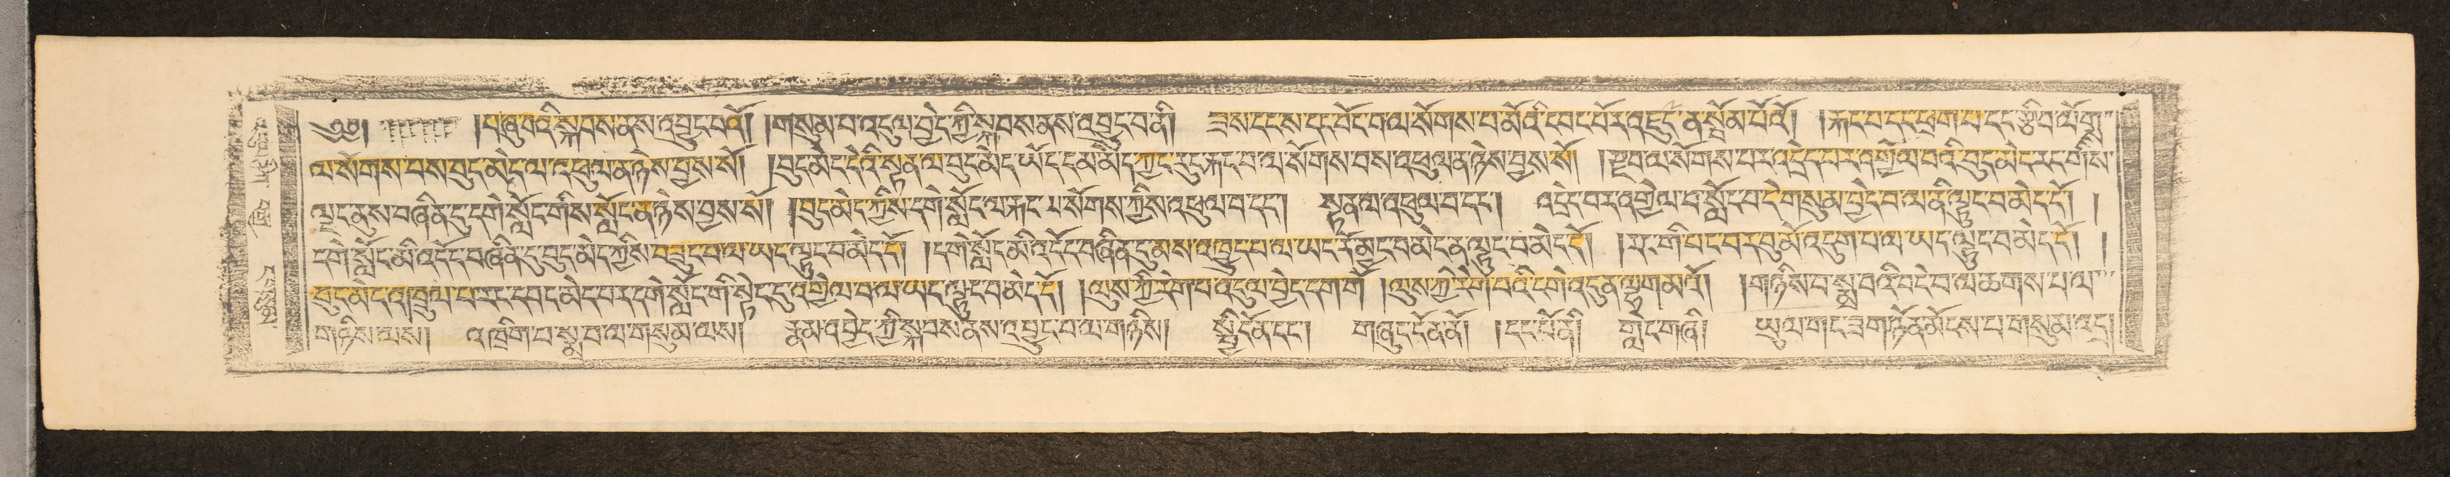༄༅། །པ་ཞུ་བའི་སྐབས་ནས་འབྱུང་བའོ། །གསུམ་པ་འདུལ་བྱེད་ཀྱི་སྐབས་ནས་འབྱུང་བ་ནི། ཟས་དང་ས་དང་པོང་བ་ལ་སོགས་པ་མོའི་དབང་པོར་འཇུད་ན་སྦོམ་པོའོ། །རྐང་པ་དང་ཕྲག་པ་དང་རྩིབ་ལོགས་
ལ་སོགས་པས་བུད་མེད་ལ་འཕུལ་ན་ཉེས་བྱས་སོ། །བུད་མེད་དེའི་སྟན་ལ་བུད་མེད་ཡོད་དམ་མེད་ཀྱང་རུང་རྐང་པ་ལ་སོགས་པས་འཕུལ་ན་ཉེས་བྱས་སོ། །རྫབ་ལ་སོགས་པར་འདྲེད་པར་འགྱེལ་བའི་བུད་མེད་རང་གིས་
ལྡང་ནུས་བཞིན་དུ་དགེ་སློང་གིས་སློང་ན་ཉེས་བྱས་སོ། །བུད་མེད་ཀྱིས་དགེ་སློང་ལ་རྐང་པ་སོགས་ཀྱིས་འཕུ་བ་པ་དང་། སྟན་ལ་འཕུལ་བ་དང་། འདྲེད་པར་འགྱེལ་བ་སློང་བ་དེ་གསུམ་བྱེད་པ་ལ་ནི་ལྟུང་བ་མེད་དོ། །
དགེ་སློང་མི་འདོད་བཞིན་དུ་བུད་མེད་ཀྱིས་བཟུང་བ་ལ་ཡང་ལྟུང་བ་མེད་དོ། །དགེ་སློང་མི་འདོད་བཞིན་དུ་མས་འཁྱུད་པ་ལ་ཡང་རོ་མྱང་བ་མེད་ན་ལྟུང་བ་མེད་དོ། །རང་གི་ཕང་པར་བུ་མོ་འདུག་པ་ལ་ཡང་ལྟུང་བ་མེད་དོ། །
བུད་མེད་འཁྲུལ་པ་རང་དབང་མེད་པར་དགེ་སློང་གི་སྟེང་དུ་འགྱེལ་བ་ལ་ཡང་ལྟུང་བ་མེད་དོ། །ལུས་ཀྱི་རེག་པ་འདུལ་བྱེད་དག་གོ །ལུས་ཀྱི་རག་པའི་དགེ་འདུན་ལྷག་མའོ། །གཉིས་པ་སྨྲ་བའི་བདེ་བ་ལ་ཆགས་པ་ལ་
གཉིས་ལས། འཁྲིག་པ་སྨྲ་བ་ལ་གསུམ་ལས། རྣམ་འབྱེད་ཀྱི་སྐབས་ནས་འབྱུང་བ་ལ་གཉིས། སྤྱི་དོན་དང་། གཞུང་དོན་ནོ། །དང་པོ་ནི། གླེང་གཞི། ཡུལ་གང་ཟག་ཉོན་མོངས་པ་གསུམ་འདྲ།